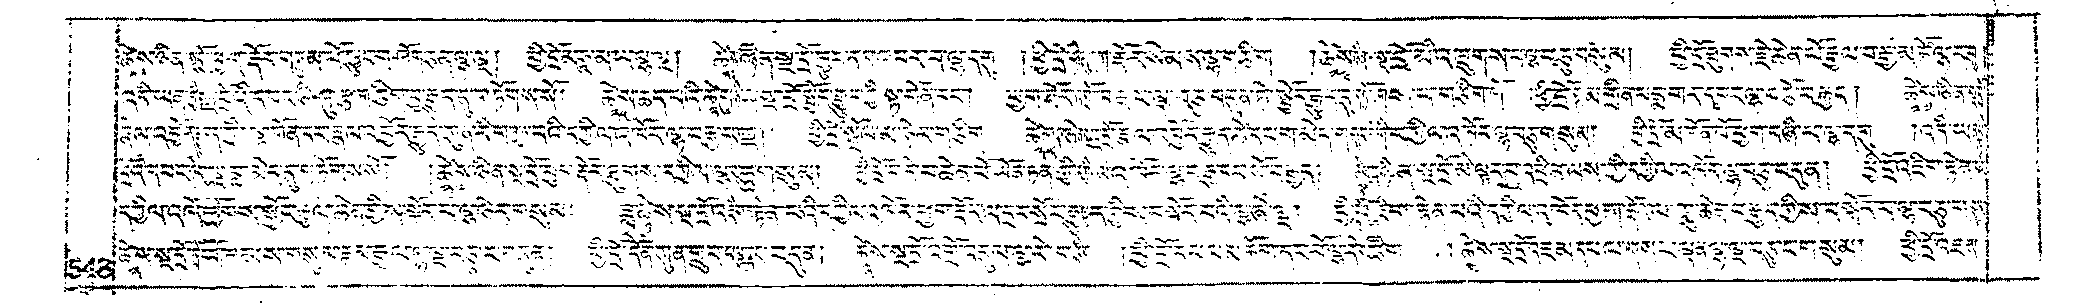ཚེས ༢༢་ཉིན་སྔ་དྲོ་ཕྱག་རྡོར་གཏུམ་པོ་ཁྱུང་གཤོག་ཅན་ལྷ་ལྔ། ཕྱི་དྲོ་མཧཱ་མ་ཡ་ལྷ་ལྔ། ཚེས ༢༣་ཉིན་སྔ་དྲོ་ཁྱུང་ནག་འབར་བ་ལྷ་དགུ །ཕྱི་དྲི་ཧེ་རུ་ཀ་རྡོར་སེམས་ལྷ་གཅིག །ཚེས ༢༤་ཉིན་སྔ་དྲོ་མི་འཁྲུགས་པ་ལྷ་བཅུ་གསུམ། ཕྱི་དྲོ་ཐུགས་རྗེ་ཆེན་པོ་རྒྱལ་བ་རྒྱ་མཚོ་ལྷ་དགུ །
འདི་ཡན་གྱི་སྔ་དྲོའི་དབང་ཉི་ཤུ་རྩ་གཅིག་བྱ་རྒྱུད་དུ་གཏོགས་སོ། །ཚེས ༢༥་ཆད་པའི་ཚེས ༢༦་ཉིན་སྔ་དྲོ་སྤྱོད་རྒྱུད་ཀྱི་སྟ་གོན་དང་། ཕྱག་རྡོར་འགྲོ་བཟང་ལྷ་བཅུ་བདུན་ཏེ་སྤྱོད་རྒྱུད་དུ་གཏོགས་པ་གཅིག་གོ །ཕྱི་དྲོ་རྟ་མགྲིན་པདམ་གར་དབང་ལྷ་བཅོ་བརྒྱད། ཚེས ༢༧་ཉིན་སྔ་དྲོ་
རྣལ་འབྱོར་རྒྱུད་ཀྱི་སྟ་གོན་དང་རྣལ་འབྱོར་རྒྱུད་ཀུན་རིག་རྩ་བའི་དཀྱིལ་འཁོར་ལྷ་བརྒྱ་དང་ལྔ། ཕྱི་དྲོ་སྒྲོལ་མ་ཉེར་གཅིག །ཚེས ༢༨་ཉིན་སྔ་དྲོ་རྣལ་འབྱོར་རྒྱུད་ཆེ་དཔག་མེད་གསུང་གི་དཀྱིལ་འཁོར་ལྷ་བཅུ་གསུམ། ཕྱི་དྲོ་མགོན་པོ་ཕྱག་བཞི་པ་ལྷ་དགུ །འདི་ཡན་ཕྱི་
དྲོའི་དབང་ཉེར་ལྔ་བླ་མེད་དུ་གཏོགས་སོ། །ཚེས ༢༩་ཉིན་སྔ་དྲོ་ཕྱག་རྡོར་ཐུགས་དཀྱིལ་ལྷ་བཅུ་གསུམ། ཕྱི་དྲོ་བདེ་བ་ཆེན་པོ་ཡོན་ཏན་གྱི་དཀྱིལ་འཁོར་ལྷ་བརྒྱ་དང་སོ་བརྒྱད། ཚེས ༢༠་ཉིན་སྔ་དྲོ་མེ་ལྟར ༢༠༢་བ་འཕྲིན་ལས་ཀྱི་དཀྱིལ་འཁོར་ལྷ་བཅུ་བདུན། ཕྱི་དྲོ་འཇིག་རྟེན་པའི་
དཀྱིལ་འཁོར་ཕྱོགས་སྐྱོང་རྒྱལ་ཆེན་གྱིས་སྐོར་པ་ལྷ་ཉེར་གསུམ། ཟླ་ཚེས ༡་སྔ་དྲོ་འཇིག་རྟེན་པའི་དཀྱིལ་འཁོར་ཕྱག་རྡོར་ལ་དྲང་སྲོང་རྒྱུ་སྐར་གྱིས་བསྐོར་བའི་ལྷ་ཞེ་ལྔ། ཕྱི་དྲོ་འཇིག་རྟེན་པའི་དཀྱིལ་འཁོར་ཕྱག་རྡོར་ལ་ཀླུ་ཆེན་བརྒྱད་ཀྱིས་བསྐོར་བ་ལྷ་བཅུ་གསུམ་
ཚེས ༢་སྔ་དྲོ་ཁྲོ་བོ་ཁམས་གསུམ་རྣམ་རྒྱལ་ལྷ་ལྔ་བཅུ་ང་བདུན། ཕྱི་དྲོ་དོན་ཀུན་གྲུབ་པ་ལྷ་ལྔ་བདུན། ཚེས ༣་སྔ་དྲོ་འགྲོ་བདུལ་ལྷ་རེ་གཅིག །ཕྱི་དྲོ་དཔལ་མཆོག་དང་པོ་ལྷ་རེ་གཅིག །ཚེས ༤་སྔ་དྲོ་འཇམ་དཔལ་གསང་ལྡན་ལྷ་ལྔ་བཅུ་ང་གསུམ། ཕྱི་དྲོ་འཇམ་